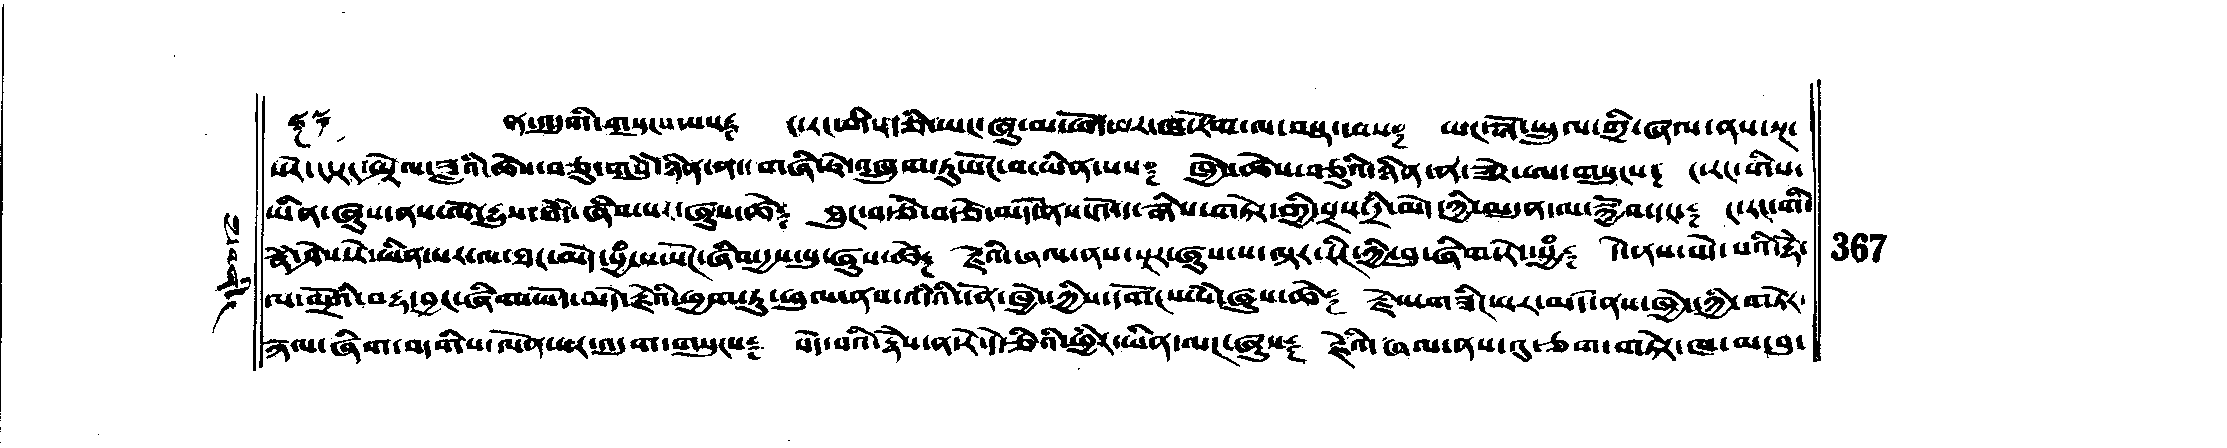ན་འདུག་གི་གསུངས་པས། ང་རང་གིས་ཅི་ཡང་ཞུ་མ་ཕོད་བར་ཁ་རོག་ལ་བསྡད་པས། ཡང་སྒོ་སྤྲུལ་གྱི་ཞལ་ནས་སྔ་
སོར་ང་རང་སྤྲེལ་ཟླའི་ཚེས་བཅུ་གསུམ་ཉིན་ནད་གཞི་ཇེ་འཁྲུག་ཏུ་སོང་བ་ཡིན་པས། ཁྱེད་ཚེས་བཅུའི་ཉིན་ན་ཟེར་ཨ་གསུངས། ང་རང་གིས་
ཡིན་ཞུས་ནས་ལོ་རྒྱུས་ཐམས་ཅད་ཞིབ་པར་ཞུས་ཚེ། ཐུགས་བརྩེ་བརྩེ་མཛད་ནས་འོ་ད་སྒེས་གཏེར་གྱི་སྲས་དྲི་མེད་ཀྱི་མདུན་ལ་སྐྱོབ་དང་། ང་རང་གི་
རྣམ་ཤེས་རེ་ཡིན་པར་ལ་ཐང་མེད་གསུང་པ་སོགས་ཞིབ་རྒྱས་སུ་ཞུས་ཚེ། རྗེའི་ཞལ་ནས་སྔར་ཞུས་པ་ལྟར་རིགས་ཀྱི་བུ་ཞིག་རེད་གསུངས།དེ་ནས་བདེ་བའི་རྡོ་རྗེ་
ལ་མཁའ་འགྲོའི་བརྡ་བྱང་ཞིག་ཡོད་མོད་རྗེའི་ཕྱག་ཏུ་ཕུལ་ནས་འདིའི་དོན་ཁྱེད་ཀྱིས་དགོངས་སམ་ཞུས་ཚེ། རྗེས་གཟིགས་པར་མཛད་ནས་ཁྱེད་ཀྱི་གཏེར་
སྐལ་ཞིག་བདག་གིས་ལོན་པར་འདུག་གསུངས། བདེ་བའི་རྡོ་རྗེས་ན་རེ་དེ་ཅིའི་ཕྱིར་ཡིན་ལགས་ཞུས། རྗེའི་ཞལ་ནས་འུ་ཅག་གཏེར་ཁ་མ་བུ་